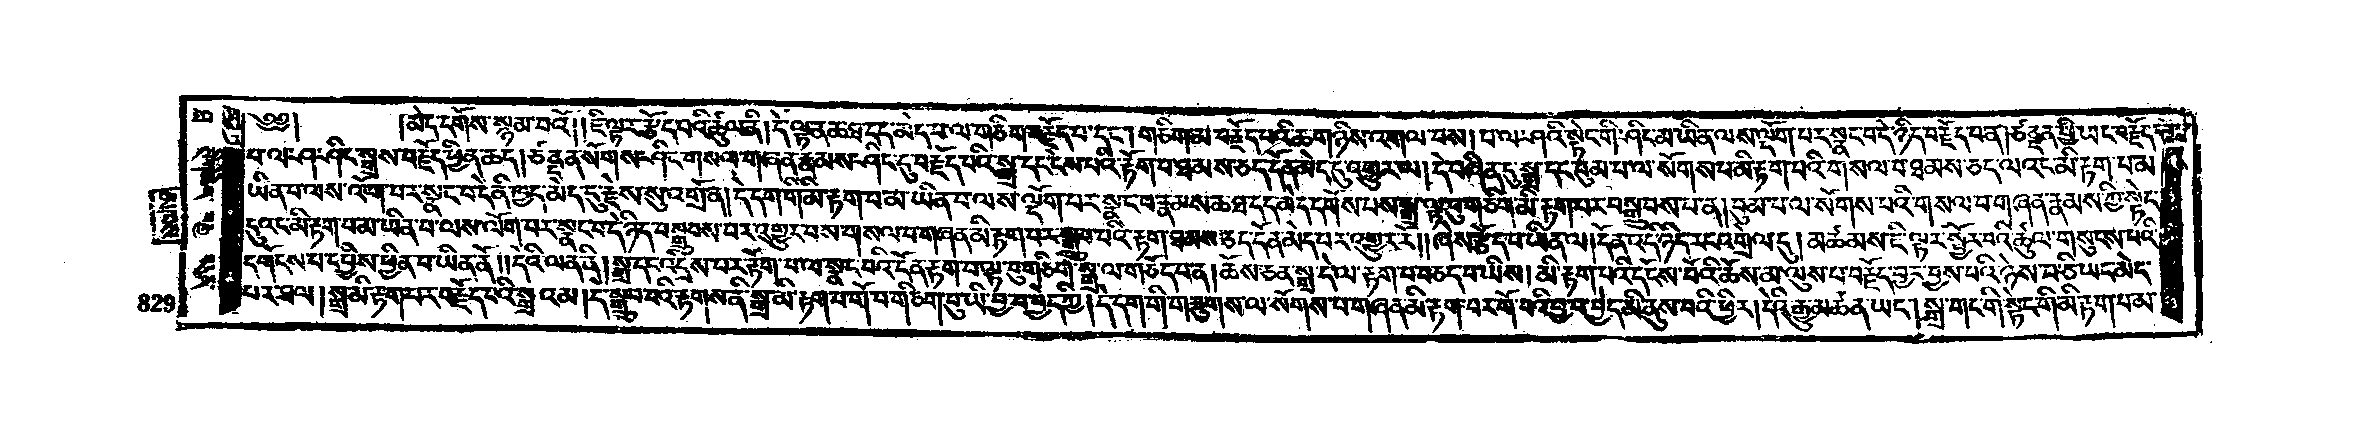༄༅། །མེད་དགོས་སྙམ་པའོ། །ཇི་ལྟར་རྩོད་པའི་ཚུལ་ནི། དེ་ལྟ་ན་ཆ་ཐ་དད་མེད་པ་ལ་གཅིག་བརྗོད་པ་དང་། གཅིག་མ་བརྗོད་པའི་ཆ་གཉིས་འགལ་བས། པ་ལ་ཤའི་སྟེང་གི་ཤིང་མ་ཡིན་ལས་ལྡོག་པར་སྣང་བ་དེ་ཉིད་བརྗོད་པ་ན། ཙནྡན་གྱི་ཡང་བརྗོད་དགོས་
པ་ལ་ཤ་ཤིང་སྒྲས་བརྗོད་ཕྱིན་ཆད། ཙནྡན་སོགས་ཤིང་གསལ་གཞན་རྣམས་ཤིང་དུ་བརྗོད་པའི་སྒྲ་དང་ངེས་པའི་རྟོག་པ་ཐམས་ཅད་དོན་མེད་དུ་འགྱུར་ལ། དེ་བཞིན་དུ་སྒྲ་དང་བུམ་པ་ལ་སོགས་པ་མི་རྟག་པའི་གསལ་བ་ཐམས་ཅད་ལའང་མི་རྟག་པ་མ་
ཡིན་པ་ལས་ལོག་པར་སྣང་བ་དེ་ནི་ཁྱད་མེད་དུ་རྗེས་སུ་འགྲོ་ན། དེ་དག་གི་མི་རྟག་པ་མ་ཡིན་པ་ལས་ལྡོག་པར་སྣང་བ་རྣམས་ཆ་ཐ་དད་མེད་དགོས་པས་སྒྲ་ལྟ་བུ་གཅིག་མི་རྟག་པས་བསྒྲུབས་པ་ན། བུམ་པ་ལ་སོགས་པའི་གསལ་བ་གཞན་རྣམས་ཀྱི་སྟེང་
དུའང་མི་རྟག་པ་མ་ཡིན་པ་ལས་ལོག་པར་སྣང་བ་དེ་ཉིད་བསྒྲུབས་པར་འགྱུར་བས་གསལ་བ་གཞན་མི་རྟག་པར་སྒྲུབ་པའི་རྟག་ཐམས་ཅད་དོན་མེད་པར་འགྱུར་རོ། །ཞེས་རྩོད་པ་ཡིན་ལ། དོན་འདི་ཉིད་རང་འགྲེལ་དུ། མཚམས་ཇི་ལྟར་སྦྱོར་བའི་ཚུལ་གསུངས་པའི་
དགོངས་པ་དཔྱིས་ཕྱིན་པ་ཡིན་ནོ། །དེའི་ལན་ནི། སྒྲ་དང་འདྲེས་པར་རྟོག་པ་ལ་སྣང་བའི་དོན་རྟག་པ་ལྟ་བུ་གཅིག་སྒྲ་ལ་གཅོད་པ་ན། ཆོས་ཅན་སྒྲ་དེ་ལ་རྟག་པ་བཅད་པ་ཡིས། མི་རྟག་པའི་དངོས་པོའི་ཆོས་མ་ལུས་པ་བརྗོད་བྱར་བྱས་པའི་ཉེས་པ་ཅི་ཡང་མེད་
པར་ཐལ། སྒྲ་མི་རྟག་པར་བརྗོད་པའི་སྒྲའམ། དེ་སྒྲུབ་པའི་རྟགས་ནི་སྒྲ་མི་རྟག་པ་གོ་བ་གཅིག་པུ་ཡི་བྱ་བ་བྱེད་ཀྱི། དེ་དག་གི་གཟུགས་ལ་སོགས་པ་གཞན་མི་རྟག་པར་གོ་བའི་བྱ་བ་བྱེད་མི་ནུས་པའི་ཕྱིར། དེའི་རྒྱུ་མཚན་ཡང་། སྒྲ་གང་གི་སྟེང་གི་མི་རྟག་པ་མ་